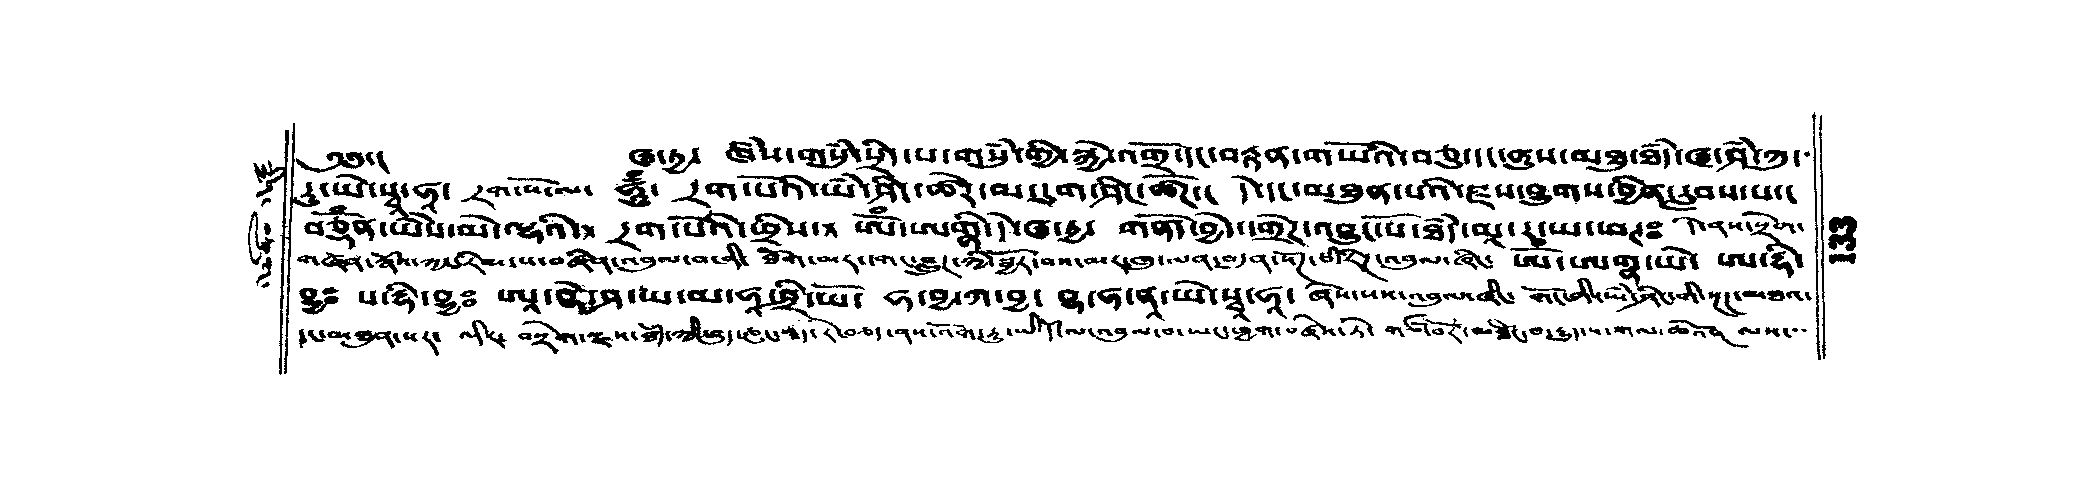ཝ་ཏྱ། ཁམས་གསུམ་སྲིད་པ་གསུམ་གྱི་སྐྱེ་འགྲོ་དང་བརྟན་གཡོའི་བཅུད་དང་ནུས་མཐུ་ཐམས་ཅད་ཝ་ཤཾ་ཀུ་
རུ་ཡེ་སྭཱ་ཧཱ། དྲག་པོ་ལ། ཧཱུྃ། དྲག་པོའི་ཡམ་ཤིང་ཚེར་མ་དུག་ཤིང་ཚོགས། །དེ་དང་མཐུན་པའི་རྫས་བྱུག་བྱིན་རླབས་པ། །
བཅོམ་ལྡན་ཡེ་ཤེས་མེ་ལྷའི་༴ དྲག་པོའི་ཕྲིན་ལས་༴ ཨོྃ་ཨགྣི་དེ་ཝ་ཏྱ། གནོད་བྱཻད་དགྲ་གེགས་འབྱུང་པོ་ཐམས་ཅད་མཱ་ར་ཡ་ཕཊཿ དེ་ནས་སྲེག་
གཞན་རྣམས་ཀྱང་རིམ་པ་བཞིན་འབུལ་བ་ནི། ཐོག་མར་དགང་བླུགས་ཀྱི་སྦྱོར་བས་མར་ཁུ་ལན་གསུམ་སོགས་ཅི་རིགས་འབུལ་ཞིང་། ཨོྃ་ཨགྣ་ཡེ། ཨ་དྷི་
བྷྱཿ སདྷི་བྷྱ། ཨཱ་བྷེ་ཤ་ཡ་མ་ཧཱ་ཤྲི་ཡེ། ཧ་བྱ་ཀ་བྱ། བྷ་ཧ་ནཱ་ཡེ་སྭཱ་ཧཱ། ཞེས་པས་འབུལ་ཞིང་། གོང་གི་ཡམས་ཤིང་གི་སྔགས་མཐའ་
དང་མཐུན་པར། འདིར། ༼བསྲེག་རྫས་ཐམས་ཅད་ཀྱི་ཕུད་ཅུང་ཟད་རེ་བཅད་ནས་་འོག་ཏུ་ཡི་དམ་ལ་འབུལ་བ་ཡང་ཕྱག་བཞེས་ཏེ། བཙོ་བོར་མཐོང་བ་བརྒྱུད་པ་གལ་ཆེའོ།༽ ལས་